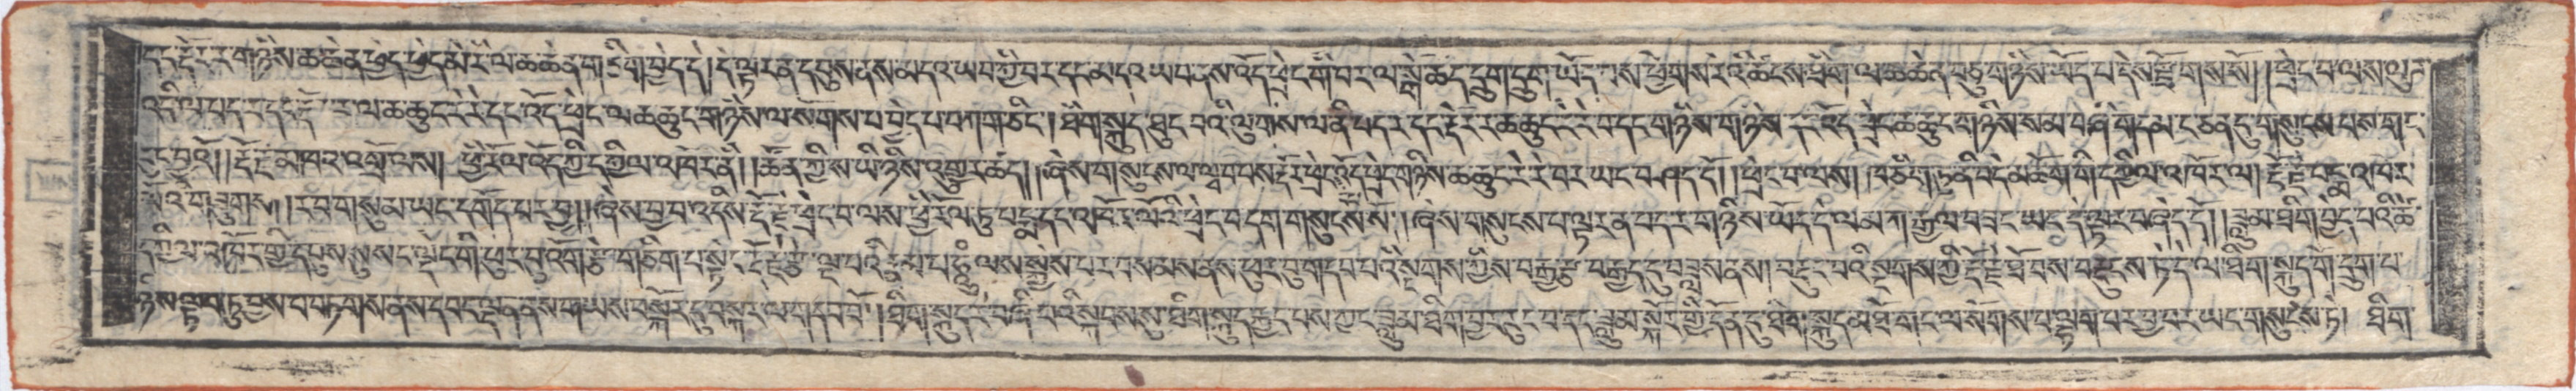དང་རྡོར་ར་གཉིས་ཆ་ཆེན་ཕྱེད་ཕྱེད་མེ་རི་ལ་ཆ་ཆེན་གཅིག་བྱེད་དེ། དེ་ལྟར་ན་དབུས་ནས་མདའ་ཡབ་ཀྱི་བར་དང་མདའ་ཡབ་ནས་འོད་ཕྲེང་གི་བར་ལ་སྒོ་ཚད་དྲུག་དྲུག་ཡོད་པས་ཕྱོགས་རེའི་ཚངས་ཐིག་ལ་ཆ་ཆེན་བཅུ་གཉིས་ཡོད་པ་དེས་རྫོགས་སོ། །ཕྲེང་བ་ལས་ལུཌ་
འདི་ལ་པད་ར་དང་རྡོ་ར་ལ་ཆ་ཆུང་རེ་རེ་དང་འོད་ཕྲེང་ལ་ཆ་ཆུང་གཉིས་ལ་སོགས་པ་བྱེད་པ་བཀག་ཅིང་། ཐིག་སྐུད་ཐུང་བའི་ལུགས་ལ་ནི་པད་ར་དང་རྡོར་ར་ཆ་ཆུང་རེ་རེ་བ་དང་གཉིས་གཉིས་དང་འོད་ཕྲེང་ཆ་ཆུང་གཉིས་སམ་བཞི་གདམ་ང་ཅན་དུ་གསུངས་པས་གང་
རུང་བྱའོ། །རྡོ་རྗེ་མཁའ་འགྲོ་ལས། ཕྱི་རོལ་འོད་ཀྱི་དཀྱིལ་འཁོར་ནི། །ཚོན་ཀྱི་ས་ཡི་ཉིས་འགྱུར་ཚད། །ཞེས་གསུངས་ལ་ལྭ་བ་པས་རྡོར་ཕྲེང་རང་འོད་ཕྲེང་གཉིས་ཆ་ཆུང་རེ་རེ་བར་ཡང་བཤད་དོ། །ཕྲེང་བ་ལས། ཁ་ཅིག་ཏུ་ནི་བདེ་མཆོག་གི་དཀྱིལ་འཁོར་ལ། རྡོ་རྗེ་པདམ་འཁོར་
ལོའི་གཟུགས། །ར་བ་གསུམ་ཡང་དགོད་པར་བྱ། །ཞེས་བྱ་བ་འདིས་རྡོ་རྗེ་ཕྲེང་བ་ལས་ཕྱི་རོལ་ཏུ་པདམ་དང་འཁོར་ལོའི་ཕྲེང་བདག་གསུངས་སོ། །ཞེས་གསུངས་པ་ལྟར་ན་པད་ར་གཉིས་ཡོད་དེ་ལམ་ཀ་རྒྱལ་བཟང་ཡང་དེ་ལྟར་བཞེད་དོ། །ཟླུམ་ཐིག་བྱེད་པའི་ཚེ་
དཀྱིལ་འཁོར་གྱི་དབུས་སུ་སང་ལྡེང་གི་ཕུར་བུ་འོག་རྩེ་གཅིག་པ་སྟེང་རྡོ་རྗེ་རྩེ་ལྔ་པའི་རྣམ་པ་ཧཱུཾ་ལས་སྐྱེས་པར་བསམས་ནས་ཕུར་བུ་གདབ་པའི་སྔགས་ཀྱིས་བརྒྱ་རྩ་བརྒྱད་དུ་བཟླས་ནས། བརྡུང་བའི་སྔགས་ཀྱི་རྡོ་རྗེ་ཐོ་བས་བརྡུངས་ཏེ་དེ་ལ་ཐིག་སྐུད་གོ་དྲུག་པ་
ཉིས་ལྟབ་ཏུ་བྱས་པ་བཏགས་ནས་དབང་ལྡན་ནས་གཡས་བསྐོར་དུ་བསྐར་ལ་གདབ་བོ། །ཐིག་སྐུད་རེ་བཞི་པའི་སྐབས་སུ་ཐིག་སྐུད་རྐྱང་པས་ཀྱང་ཟླུམ་ཐིག་བྱར་རུང་བ་དང་ཟླུམ་སྐོར་གྱི་དོན་དུ་ཐིག་སྐུད་མཐོ་གང་ལ་སོགས་པ་ལྷག་པར་བྱ་བར་ཡང་གསུངས་ཏེ། ཐིག་